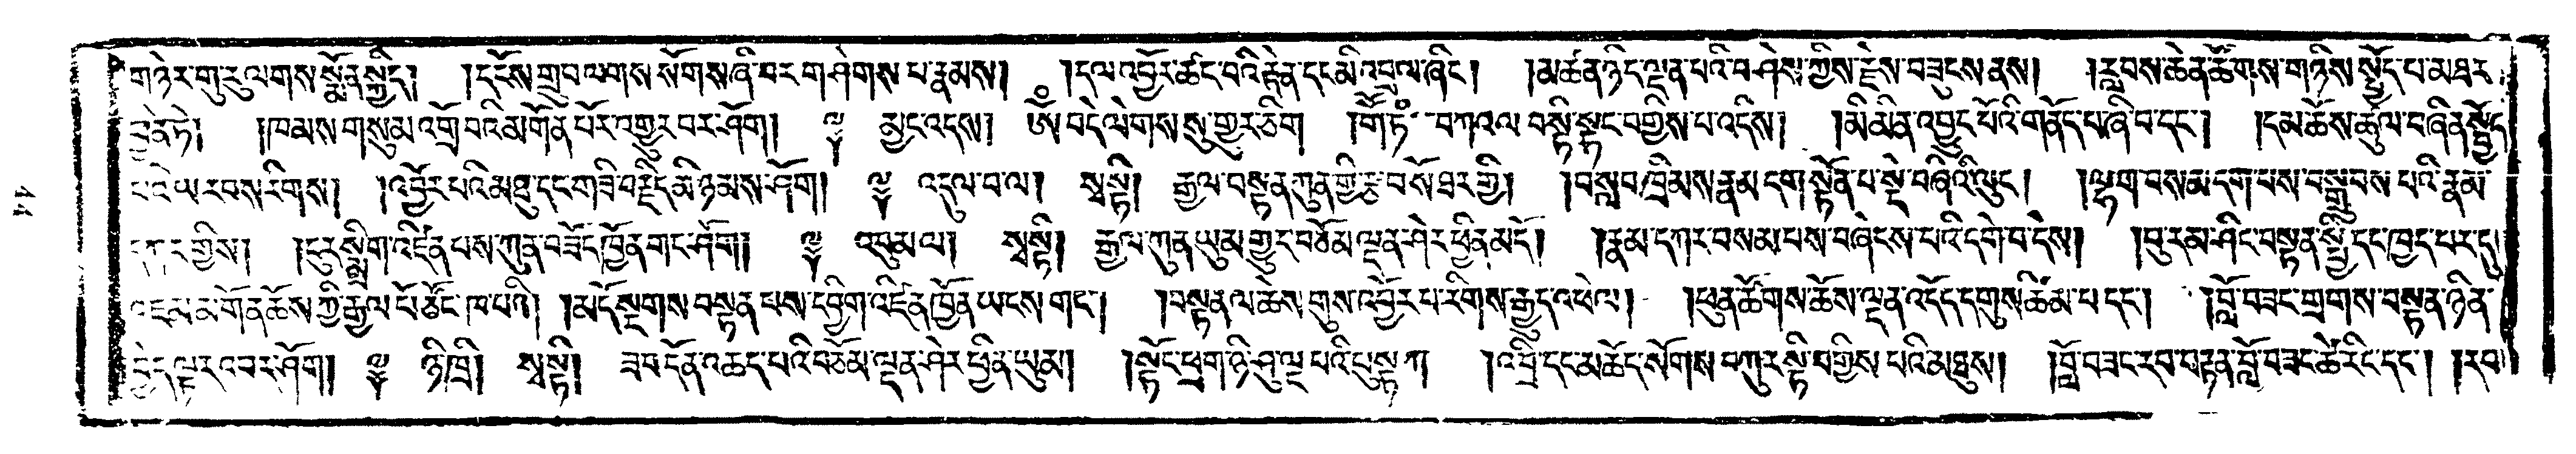གཉེར་གུ་རུ་ལགས་སྨོན་སྐྱིད། །དངོས་གྲུབ་ལགས་སོགས་ཞི་བར་གཤེགས་པ་རྣམས། །དལ་འབྱོར་ཚང་བའི་རྟེན་དང་མི་འབྲལ་ཞིང་། །མཚན་ཉིད་ལྡན་པའི་བཤེས་ཀྱིས་རྗེས་བཟུངས་ནས། །རླབས་ཆེན་ཚོགས་གཉིས་སྤྱོད་པ་མཐར་
ཕྱིན་ཏེ། །ཁམས་གསུམ་འགྲོ་བའི་མགོན་པོར་འགྱུར་བར་ཤོག། ༈ མྱང་འདས། ཨོཾ་བདེ་ལེགས་སུ་གྱུར་ཅིག །གཽ་ཏཾ་བཀའ་ལ་བསྟི་སྟང་བགྱིས་པ་འདིས། །མི་མིན་འབྱུང་པོའི་གནོད་པ་ཞི་བ་དང་། །དམ་ཆོས་ཚུལ་བཞིན་སྤྱོད་
པའི་ཡ་རབས་རིགས། །འབྱོར་པའི་མཐུ་དང་གཟི་བརྗིད་མི་ཉམས་ཤོག། ༈ འདུལ་བ་ལ། སྭ་སྟི། རྒྱལ་བསྟན་ཀུན་གྱི་རྩབ་སོ་ཐར་གྱི། །བསླབ་ཁྲིམས་རྣམ་དག་སྟོན་པ་སྡེ་བཞིའི་ལུང་། །ལྷག་བསམ་དག་པས་བསྒྲུབས་པའི་རྣམ་
དཀར་གྱིས། །དུར་སྨྲིག་འཛིན་པས་ཀུན་བཟོད་ཁྱོན་གང་ཤོག། ༈ འབུམ་ལ། སྭ་སྟི། རྒྱལ་ཀུན་ཡུམ་གྱུར་བཅོམ་ལྡན་ཤེར་ཕྱིན་མདོ། །རྣམ་དཀར་བསམ་པས་བཞེངས་པའི་དགེ་བ་དེས། །བུ་རམ་ཤིང་བསྟན་སྤྱི་དང་ཁྱད་པར་དུ།
འཇམ་མགོན་ཆོས་ཀྱི་རྒྱལ་པོ་ཙོང་ཁ་པའི། །མདོ་སྔགས་བསྟན་པས་དབྱིག་འཛིན་ཁྱོན་ཡངས་གང་། །བསྟན་ལ་ཆེས་གུས་འབྱོར་པ་རིགས་རྒྱུད་འཕེལ། །ཕུན་ཚོགས་ཆོས་ལྡན་འདོད་དགུས་ཚིམ་པ་དང་། །བློ་བཟང་གྲགས་བསྟན་ཉིན་
བྱེད་ལྟར་འབར་ཤོག། ༈ ཉི་ཁྲི། སྭ་སྟི། ཟབ་དོན་འཆད་པའི་བཅོམ་ལྡན་ཤེར་ཕྱིན་ཡུམ། །སྟོང་ཕྲག་ཉི་ཤུ་ལྔ་པའི་པུསྟ་ཀ །འབྲི་དང་མཆོད་སོགས་བཀུར་སྟི་བགྱིས་པའི་མཐུས། །བློ་བཟང་རབ་བརྟན་བློ་བཟང་ཚེ་རིང་དང་། །རབ་